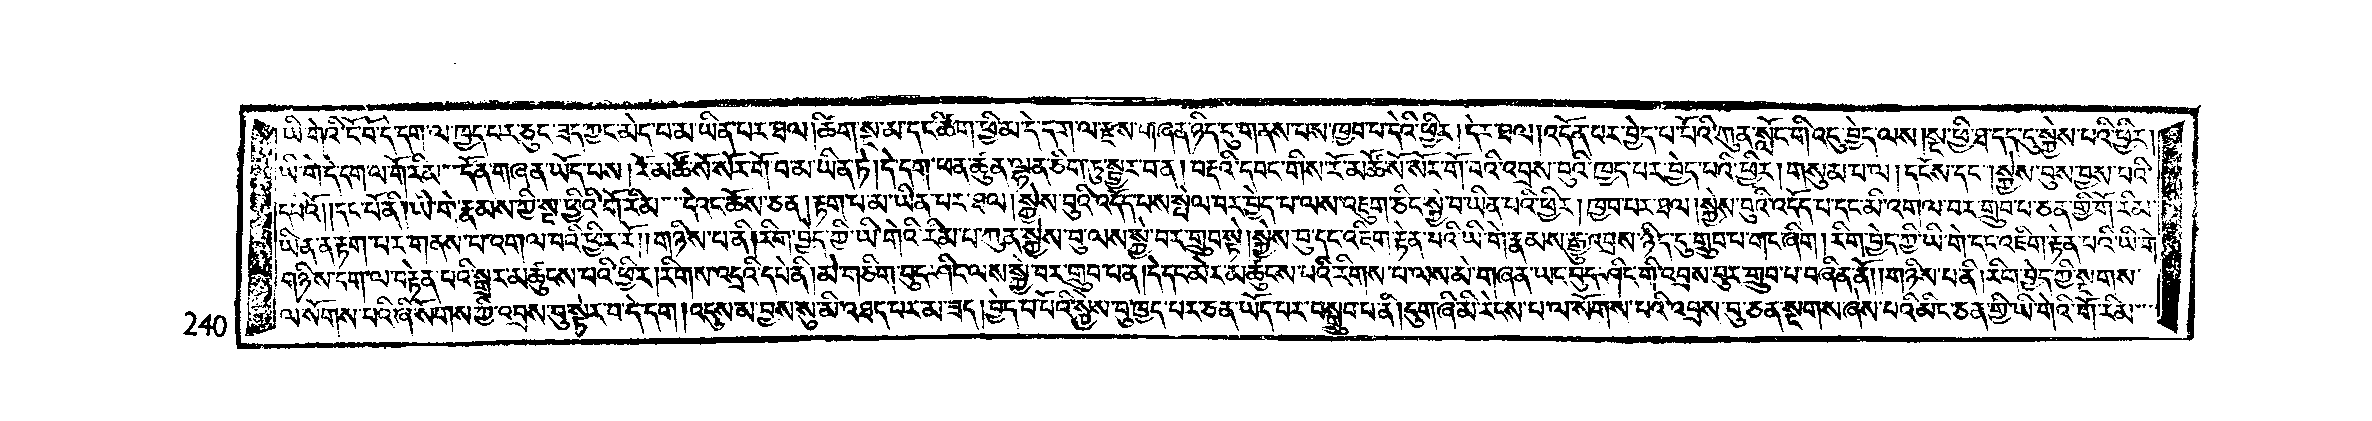ཡི་གེའི་ངོ་བོ་དེ་དག་ལ་ཁྱད་པར་ཅུང་ཟད་ཀྱང་མེད་པ་མ་ཡིན་པར་ཐལ། ཚིག་སྔ་མ་དང་ཚིག་ཕྱི་མ་དེ་དག་ལ་རྫས་གཞན་ཉིད་དུ་གནས་པས་ཁྱབ་པ་དེའི་ཕྱིར། དེར་ཐལ། འདོན་པར་བྱེད་པ་པོའི་ཀུན་སློང་གི་འདུ་བྱེད་ལས། སྔ་ཕྱི་ཐ་དད་དུ་སྐྱེས་པའི་ཕྱིར།
ཡི་གེ་དེ་དག་ལ་གོ་རིམ་དོན་གཞན་ཡོད་པས། རོ་མཚོ་སོ་སོར་གོ་བ་མ་ཡིན་ཏེ། དེ་དག་ཕན་ཚུན་ལྷན་ཅིག་ཏུ་སྦྱར་བ་ན། བརྡའི་དབང་གིས་རོ་མཚོ་སོ་སོར་གོ་བའི་འབྲས་བུའི་ཁྱད་པར་བྱེད་པའི་ཕྱིར། གསུམ་པ་ལ། དངོས་དང་། སྐྱེས་བུས་བྱས་པའི་
དཔེའོ། །དང་པོ་ནི། ཡི་གེ་རྣམས་ཀྱི་སྔ་ཕྱིའི་གོ་རིམ་དེའང་ཆོས་ཅན། རྟག་པ་མ་ཡིན་པར་ཐལ། སྐྱེས་བུའི་འདོད་པས་སྤེལ་བར་བྱེད་པ་ལས་འཇུག་ཅིང་སྐྱེ་བ་ཡིན་པའི་ཕྱིར། ཁྱབ་པར་ཐལ། སྐྱེས་བུའི་འདོད་པ་དང་མི་འགལ་བར་གྲུབ་པ་ཅན་གྱི་གོ་རིམ་
ཡིན་ན་རྟག་པར་གནས་པ་འགལ་བའི་ཕྱིར་རོ། །གཉིས་པ་ནི། རིག་བྱེད་ཀྱི་ཡི་གེའི་རིམ་པ་ཀུན་སྐྱེས་བུ་ལས་སྐྱེ་བར་གྲུབ་སྟེ། སྐྱེས་བུ་དང་འཇིག་རྟེན་པའི་ཡི་གེ་རྣམས་རྒྱུ་འབྲས་ཉིད་དུ་གྲུབ་པ་གང་ཞིག །རིག་བྱེད་ཀྱི་ཡི་གེ་དང་འཇིག་རྟེན་པའི་ཡི་གེ་
གཉིས་ངག་ལ་བརྟེན་པའི་སྒྲར་མཚུངས་པའི་ཕྱིར། རིགས་འདྲའི་དཔེ་ནི། མེ་གཅིག་བུད་ཤིང་ལས་སྐྱེ་བར་གྲུབ་པ་ན། དེ་དང་མེར་མཚུངས་པའི་རིགས་པ་ལས་མེ་གཞན་ཡང་བུད་ཤིང་གི་འབྲས་བུར་གྲུབ་པ་བཞིན་ནོ། །གཉིས་པ་ནི། རིག་བྱེད་ཀྱི་སྔགས་
ལ་སོགས་པའི་ཞི་སོགས་ཀྱི་འབྲས་བུ་སྟེར་བ་དེ་དག །འདུས་མ་བྱས་སུ་མི་འཐད་པར་མ་ཟད། བྱེད་པ་པོའི་སྐྱེས་བུ་ཁྱད་པར་ཅན་ཡོད་པར་བསྒྲུབ་པ་ནི། དུག་ཞི་མི་རེངས་པ་ལ་སོགས་པའི་འབྲས་བུ་ཅན་སྔགས་ཞེས་པའི་མིང་ཅན་གྱི་ཡི་གེའི་གོ་རིམ་